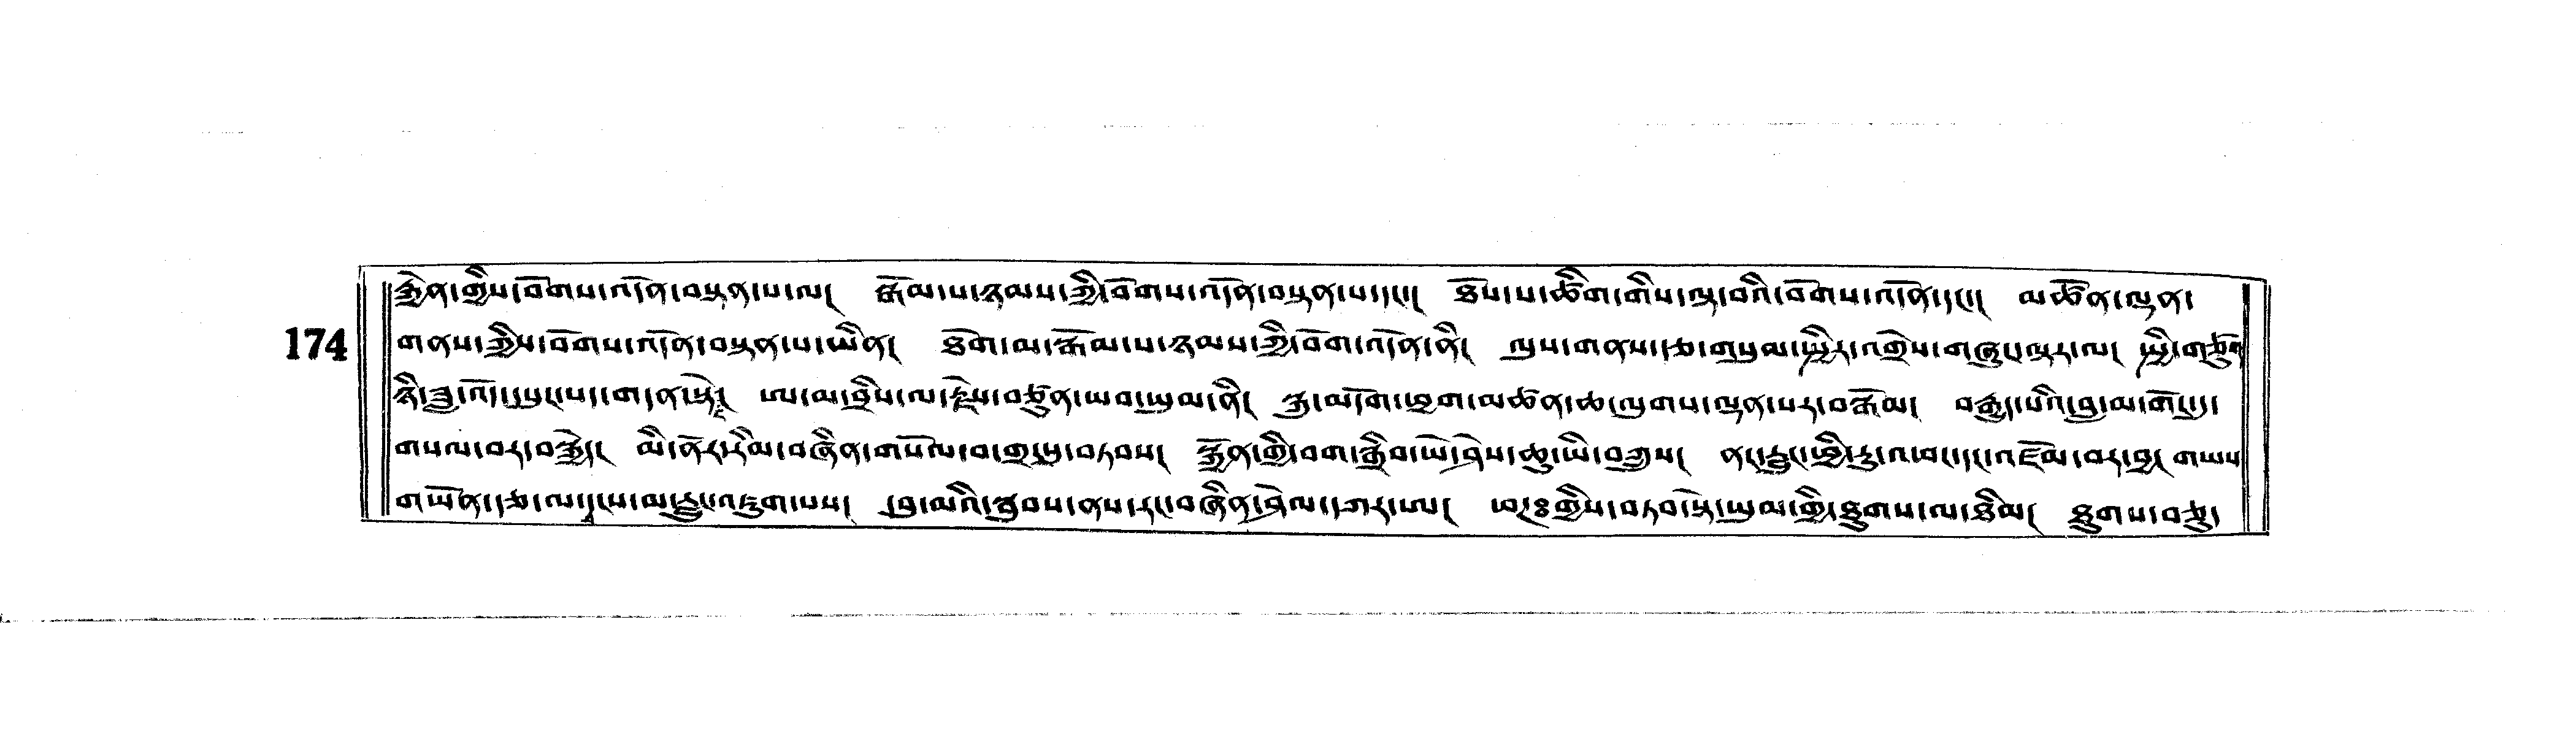རྐྱེན་གྱིས་བོགས་འདོན་བསྟན་པ་ལ། སྒོམ་པ་ཉམས་ཀྱི་བོགས་འདོན་བསྟན་པ་དང་། ཐོས་པ་ཚིག་གིས་ལྟ་བའི་བོགས་འདོན་དང་། མཚོན་ལྡན་
གནས་ཀྱི་བོགས་འདོན་བསྟན་པ་ཡིན། ཐོག་མ་སྒོམ་པ་ཉམས་ཀྱི་བོགས་འདོན་ནི། ལུས་གནས་རྩ་གསུམ་སྤྱི་འགྲེས་གཞུང་ལྟར་ལ། སྤྱི་གཙུག་
ཉི་ཟླ་འོད་དཔུང་པད་གདན་སྟེང་། ཨ་མ་བྲིས་ལ་རྗེ་བཙུན་ཡབ་ཡུམ་ནི། སྐུ་མདོག་ཕྱག་མཚན་ཆ་ལུགས་ལྡན་པར་བསྒོམ། བརྒྱུད་པའི་བླ་མ་གོང་དུ་
གསལ་བར་བསྐྱེད། མི་ནོར་རིམ་བཞིན་གསོལ་བ་གྲངས་སུ་བཏབ། སྐྱོན་གྱི་བག་སྒྲིབ་ཡེ་ཤེས་ཆུ་ཡིས་བཀྲུས། ནང་རླུང་ཕྱི་རུ་འཕང་དང་འཛོམ་པར་བྱ། གཡས་
གཡོན་རྩ་ལ་དྭངས་མ་རླུང་འཇུག་པས། དབུ་མའི་སྦུབས་ནས་རང་བཞིན་ཤེལ་དཀར་ཨ། ཕཊཿཀྱིས་བཏབ་སྟེ་ཡུམ་གྱི་ཐུགས་ལ་ཐིམ། ཐུགས་བཅུད་